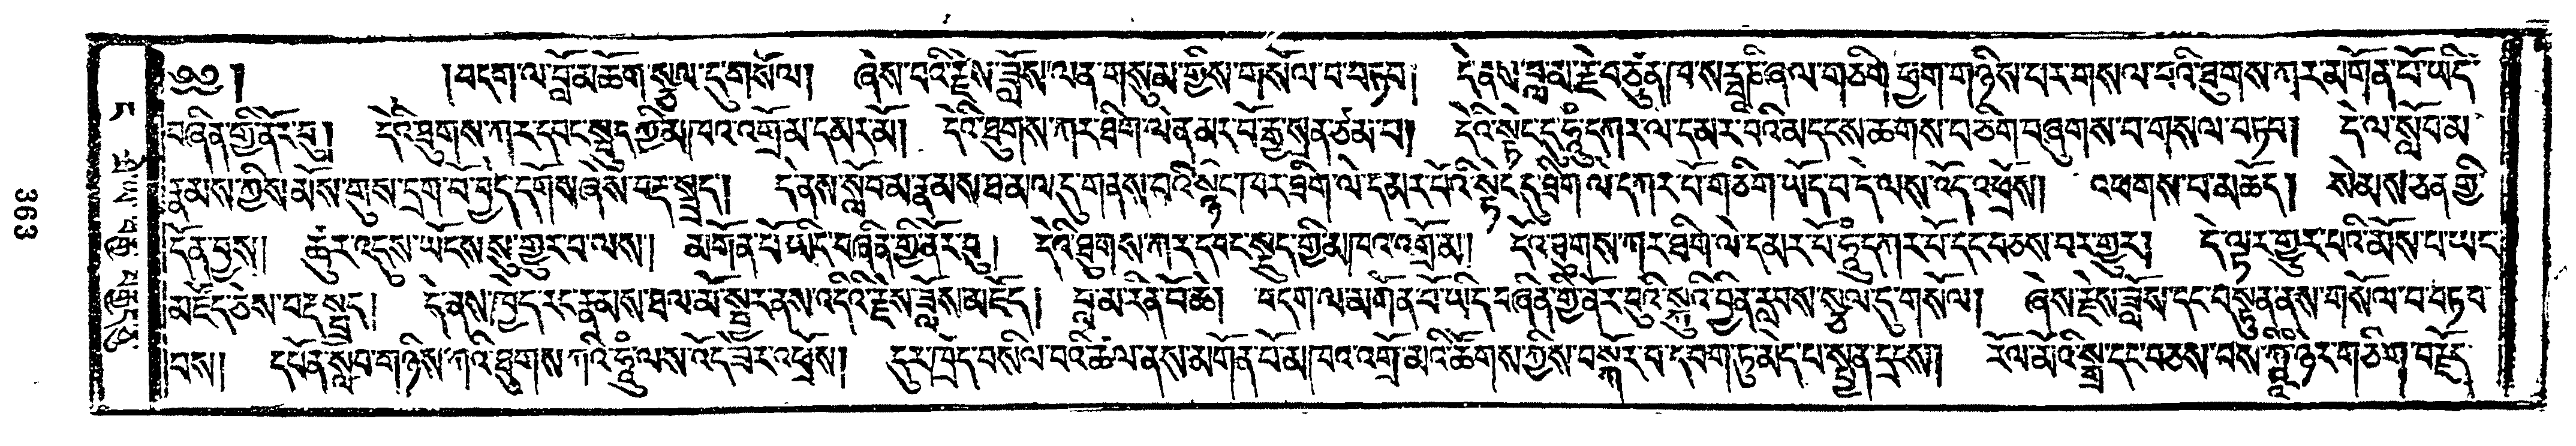༄༅། །བདག་ལ་བློ་མཆོག་སྩལ་དུ་གསོལ། །ཞེས་པའི་རྗེས་ཟློས་ལན་གསུམ་གྱིས་གསོལ་པ་བཏབ། །དེ་ནས་བླ་མ་རྗེ་བཙུན་ཁ་སརྦཱ་ཎི་ཞལ་གཅིག་ཕྱག་གཉིས་པར་གསལ་པའི་ཐུགས་ཀར་མགོན་པོ་ཡིད་
བཞིན་གྱི་ནོར་བུ། དེའི་ཐུགས་ཀར་དབང་སྦུད་ཀྱི་མཁའ་འགྲོ་མ་དམར་མོ། །དེའི་ཐུགས་ཀར་ཐིག་ལེན་མར་བོ་རྒྱ་སྲན་ཙམ་པ། །དེའི་སྟེང་དུ་ཧཱུཾ་དཀར་ལ་དམར་པའི་མདངས་ཆགས་པ་ཅིག་བཞུགས་པ་གསལ་བཏབ། དེ་ལ་སློབ་མ་
རྣམས་ཀྱིས་མོས་གུས་དྲག་བོ་བྱེད་དགོས་ཞེས་བརྡ་སྦྲད། དེ་ནས་སློབ་མ་རྣམས་ཐ་མལ་དུ་གནས་བའི་སྙིང་ཁར་ཐིག་ལེ་དམར་པོའི་སྟེང་དུ་ཐིག་ལེ་དཀར་པོ་གཅིག་ཡོད་པ་དེ་ལས་འོད་འཕྲོས། འཕགས་པ་མཆོད། སེམས་ཅན་གྱི་
དོན་བྱས། ཚུར་འདུས་ཡོངས་སུ་གྱུར་པ་ལས། མགོན་པོ་ཡིད་བཞིན་གྱི་ནོར་བུ། དེའི་ཐུགས་ཀར་དབང་སྡུད་གྱི་མཁའ་འགྲོ་མ། དེའི?་ཐུགས་ཀར་ཐིག་ལེ་དམར་པོ་ཧཱུཾ་དཀར་པོ་དང་བཅས་པར་གྱུར། །དེ་ལྟར་གྱུར་པའི་མོས་པ་ཡང་
མཛོད་ཅེས་བརྡ་སྦྲད། དེ་ནས་ཁྱེད་རང་རྣམས་ཐལ་མོ་སྦྱར་ནས་འདིའི་རྗེས་ཟློས་མཛོད། བླ་མ་རིན་བོ་ཆེ། བདག་ལ་མགོན་པོ་ཡིད་བཞིན་གྱི་ནོར་བུའི་སྐུའི་བྱིན་རླབས་སྩལ་དུ་གསོལ། ཞེས་རྗེས་ཟློས་དང་བསྟུན་ནས་གསོལ་པ་བཏབ་
པས། དཔོན་སློབ་གཉིས་ཀའི་ཐུགས་ཀའི་ཧཱུཾ་ལས་འོད་ཟེར་འཕྲོས། དུར་ཁྲོད་བསིལ་པའི་ཚལ་ནས་མགོན་པོ་མཁའ་འགྲོ་མའི་ཚོགས་ཀྱིས་བསྐོར་བ་དཔག་ཏུ་མེད་པ་སྤྱན་དྲངས། རོལ་མོའི་སྒྲ་དང་བཅས་པས་ཀྵཱིཾ་ཉེར་གཅིག་བརྗོད་